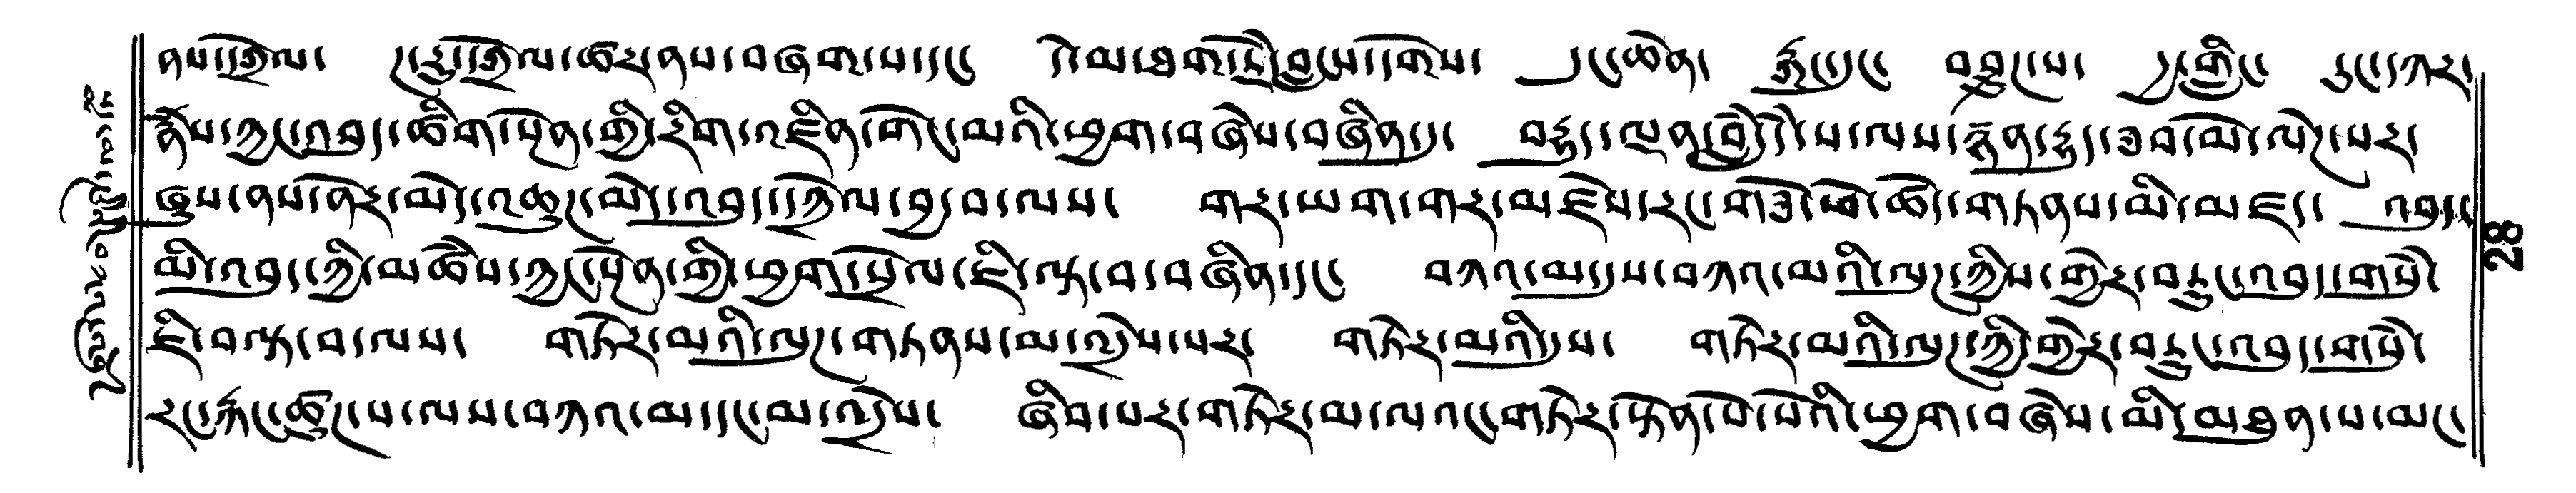ནས་དཀྲོལ། ཌཱ་རུ་དཀྲོལ་ཚར་ནས་བཞག་པ་དང་། དེ་མ་ཐག་རྡོ་རྗེ་བླང་དགོས། དུང་ཆེན། རྐང་དུང་། བཤུགས་པ། རྒྱ་གླིང་། དུང་དཀར་
རྣམས་ཀྱང་འབུད་ཚིག་སྔོན་གྱི་རིག་འཛིན་གོང་མའི་ཕྱག་བཞེས་བཞིན་དུ། བརྒྱུད་ལྡན་བླ་མ་དམ་པ་ལས་སྙན་རྒྱུད་ཟབ་མོ་ལེགས་པར་
ཞུས་ནས་ནོར་མེད་འཆུགས་མེད་འབུད་དཀྲོལ་བྱ་བ་ལས། ག་ཡག་གར་མཛེས་རང་གཟོ་ཕོ་ཚོད་གཏན་ནས་མི་མཛད། འབུད་
མི་འབུད་ཀྱི་མཚམས་ཀྱང་སྔོན་གྱི་ཕྱག་སྲོལ་ཇི་ལྟ་བ་བཞིན་དང་། བཀའ་མའི་དུས་བཀའ་མའི་ལུགས་ཀྱི་གྱེར་བརྡུང་འབུད་གསུམ་
ཇི་བལྟ་བ་ལས། གཏེར་མའི་ལུགས་གཏན་ནས་མ་འདྲེས་པ། གཏེར་མའི་དུས། གཏེར་མའི་ལུགས་ཀྱི་གྱེར་བརྡུང་འབུད་གསུམ་
རང་རྐང་ཚུགས་པ་ལས་བཀའ་མ་དང་མ་འདྲེས་པ། ཞིབ་པར་གཏེར་མ་ལའང་གཏེར་སྟོན་སོ་སོའི་ཕྱག་བཞེས་མི་མཐུན་པ་མང་